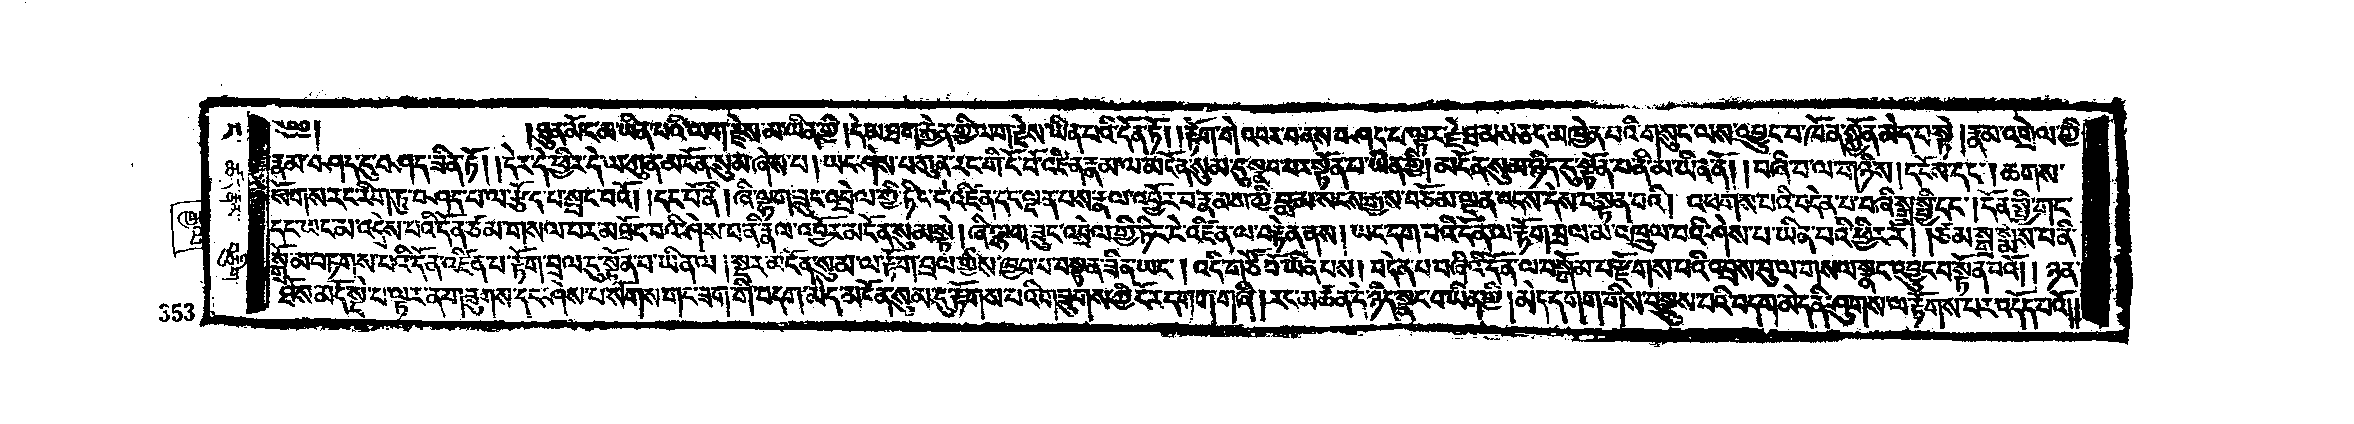༄༅། །ཐུན་མོང་མ་ཡིན་པའི་ལག་རྗེས་མ་ཡིན་གྱི། དེ་མ་ཐག་རྐྱེན་གྱི་ལག་རྗེས་ཡིན་པའི་དོན་ཏོ། །རྟག་གེ་འབར་བ་ནས་བཤད་པ་ལྟར་རྗེ་ཐམས་ཅད་མཁྱེན་པའི་གསུང་ལས་འབྱུང་བ་ཁོ་ན་སྐྱོན་མེད་པ་སྟེ། རྣམ་འགྲེལ་གྱི་
རྣམ་བཤད་དུ་བཤད་ཟིན་ཏོ། །དེར་དེ་ཕྱིར་དེ་ལ་ཀུན་མངོན་སུམ་ཞེས་པ་། ཡང་ཤེས་པ་ཀུན་རང་གི་ངོ་བོ་འཛིན་རྣམ་ལ་མངོན་སུམ་དུ་སྣབ་བར་སྟོན་པ་ཡིན་གྱི། མངོན་སུམ་ཉིད་དུ་སྟོན་པ་ནི་མ་ཡིན་ནོ། །བཞི་པ་ལ་གཉིས། དངོས་དང་། ཆགས་
སོགས་རང་རིག་ཏུ་བཤད་པ་ལ་རྩོད་པ་སྤང་བའོ། །དང་པོ་ནི། ཞི་ལྷག་ཟུང་འགྲེལ་གྱི་ཏིང་ངེ་འཛིན་དང་ལྡན་པས་རྣལ་འབྱོར་བ་རྣམས་ཀྱི་བླ་མ་སངས་རྒྱས་བཅོམ་ལྡན་འདས་དེས་བསྟན་པའི། འཕགས་པའི་བདེན་པ་བཞི་སྒྲ་སྤྱི་དང་། དོན་སྤྱི་གང་
དང་ཡང་མ་འདྲེས་པའི་དོན་ཙམ་གསལ་བར་མཐོང་བའི་ཤེས་པ་ནི་རྣལ་འབྱོར་མངོན་སུམ་སྟེ། ཞི་ལྷག་ཟུང་འབྲེལ་གྱི་ཏིང་ངེ་འཛིན་ལ་བརྟེན་ནས། ཡང་དག་པའི་དོན་ལ་རྟོག་བྲལ་མ་འཁྲུལ་བའི་ཤེས་པ་ཡིན་པའི་ཕྱིར་རོ། །ཙམ་སྒྲ་སྨས་པ་ནི་
སྒྲོ་མ་བཏགས་པའི་དོན་འཛིན་པ་རྟོག་བྲལ་དུ་སྟོན་པ་ཡིན་ལ། སྔ་མངོན་སུམ་ལ་རྟོག་བྲལ་གྱིས་ཁྱབ་པ་བསྟན་ཟིན་ཡང་། འདི་གཙོ་བོ་ཡིན་པས། བདེན་པ་བཞིའི་དོན་ལ་བསྒོམ་པ་རྫོགས་པའི་འབྲས་བུ་ལ་གསལ་སྣང་འབྱུང་བ་སྟོན་པའོ། །ཉན་
ཐོས་མདོ་སྡེ་པ་ལྟར་ན་གཟུགས་དང་ཤེས་པ་སོགས་གང་ཟག་གི་བདག་མེད་མངོན་སུམ་དུ་རྟོགས་པའི་གཟུགས་ཀྱི་ངོར་དགག་གཞི། རང་མཚན་དེ་ཉིད་སྣང་བ་ཡིན་གྱི། མེད་དགག་གིས་བསྡུས་པའི་བདག་མེད་ནི་ཤུགས་ལ་རྟོགས་པར་འདོད་པའོ། །